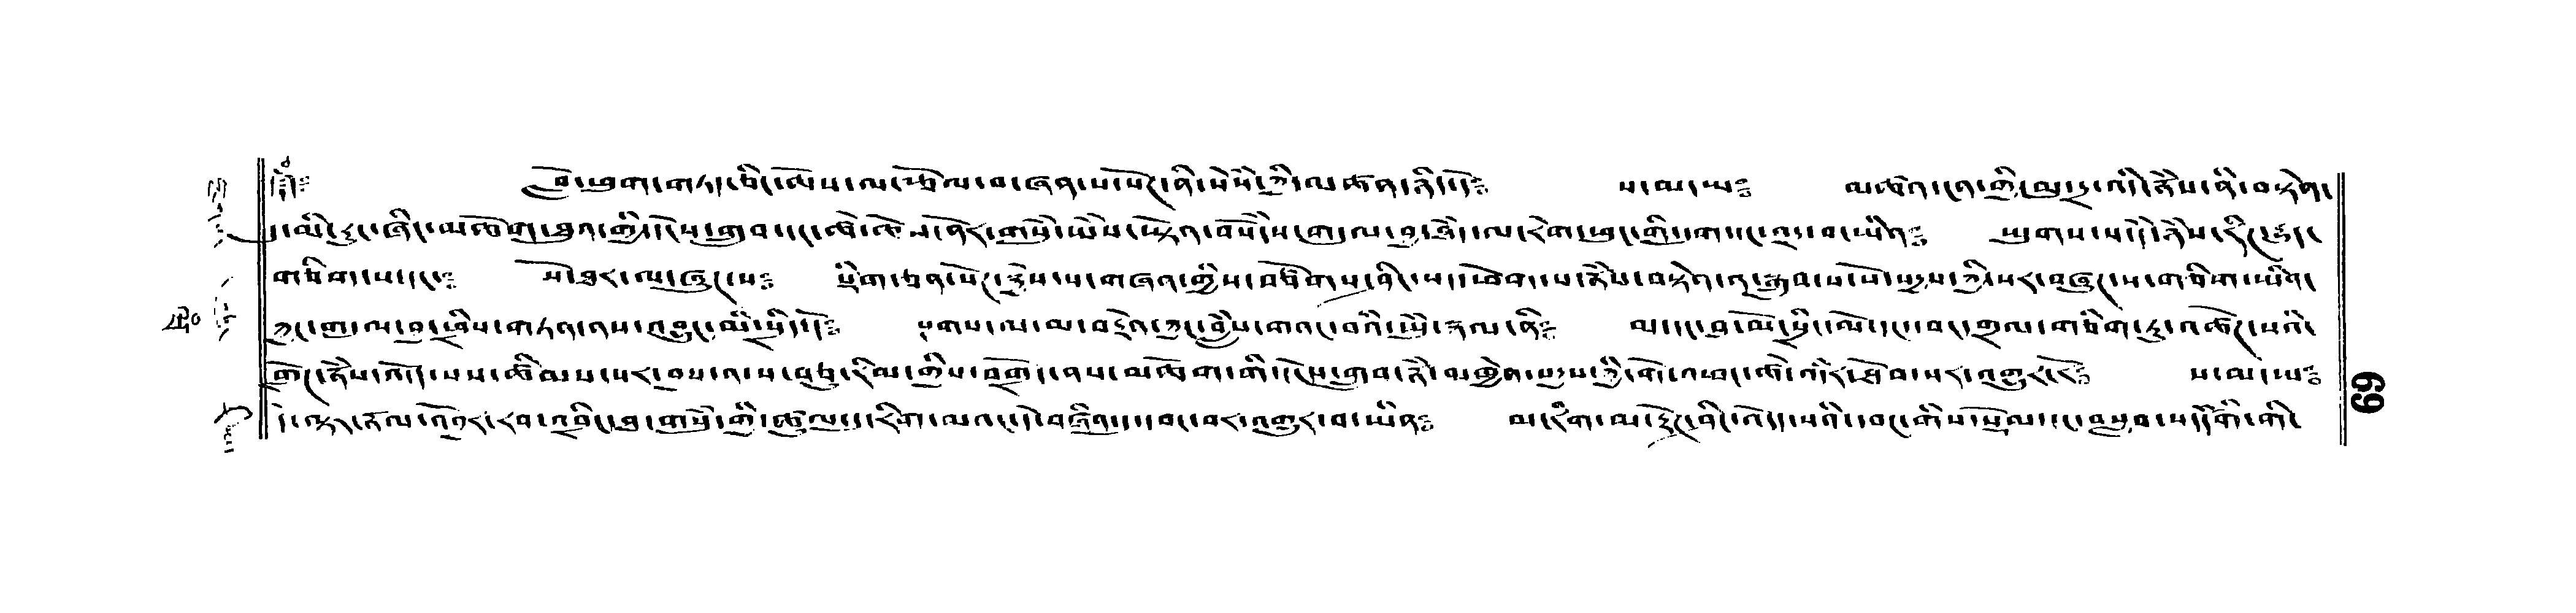བློ་ཕུག་གཏད་ཅིང་ཆོས་ལ་རྩོལ་བ་ཞན་པ་སོགས་ནི་སེམས་ཀྱི་མཚན་ཉིད་དོ༔ ས་མ་ཡ༔ མཚན་ངན་གྱི་མུ་དྲ་འདི་རྣམས་ནི་བསྟེན་
དུ་མི་རུང་ཞིང་མཆོག་ཐུན་གྱི་དངོས་གྲུབ་དང་ཚེ་ཆོས་ནོར་གསུམ་ཡེ་ཤེས་ཡོན་ཏན་བསོད་ནམས་གདུལ་བྱ་ཐམས་ཅད་ལ་རེག་ཕུང་གི་དུག་དང་འདྲ་བ་ཡིན༔ ཡུགས་ས་དམ་ཉམས་རིགས་རྒྱུད་
གཅིག་པ་དང༔ སོ་ཐར་ལ་ཞུགས་པ༔ སྡིག་ཅན་སོགས་སྐྱེས་པ་གཞན་གྱིས་བཙོགས་ཤིང་སད་ཕོག་པ་རྣམས་བསྟེན་ན་སྒྲུབ་པ་པོ་སངས་རྒྱས་ཀྱི་སར་བཞུགས་པ་གཅིག་ཡིན་
ཀྱང་གདུལ་བྱ་ཕྲིན་ལས་གཏན་ནས་འབྱུང་མི་སྲིད་དོ༔ སྔགས་ལ་མ་བརྟེན་ཀྱང་བླ་མས་གནང་བའི་ཡུམ་སྐལ་ནི༔ མ་དང་བུ་མོ་སྲིང་མོ་དང་དབང་གྲལ་གཅིག་ཏུ་འཚོགས་པའི་
གྲོགས་རྣམས་འདོད་པས་ཚིམས་པར་བྱས་ན་ས་བཅུ་རིམ་གྱིས་བགྲོད་ནས་མཆོག་གི་དངོས་གྲུབ་རྣམ་མཁྱེན་སངས་རྒྱས་ཀྱི་གོ་འཕང་ཚེ་འདིར་ཐོབ་པར་འགྱུར་རོ༔ ས་མ་ཡ༔ 
དེ་ལྟར་རྣལ་འབྱོར་རབ་འབྲིང་ཐ་གསུམ་གྱི་ཚུལ་དུ་རིག་མའང་དེ་བཞྀན་དུ་དབང་བར་འགྱུར་བ་ཡིན༔ མ་རིག་མ་རྟོགས་ཤིང་འདོད་པའི་དབང་གིས་སྡོམ་དང་བསླབ་པ་དམ་ཚིག་གི་